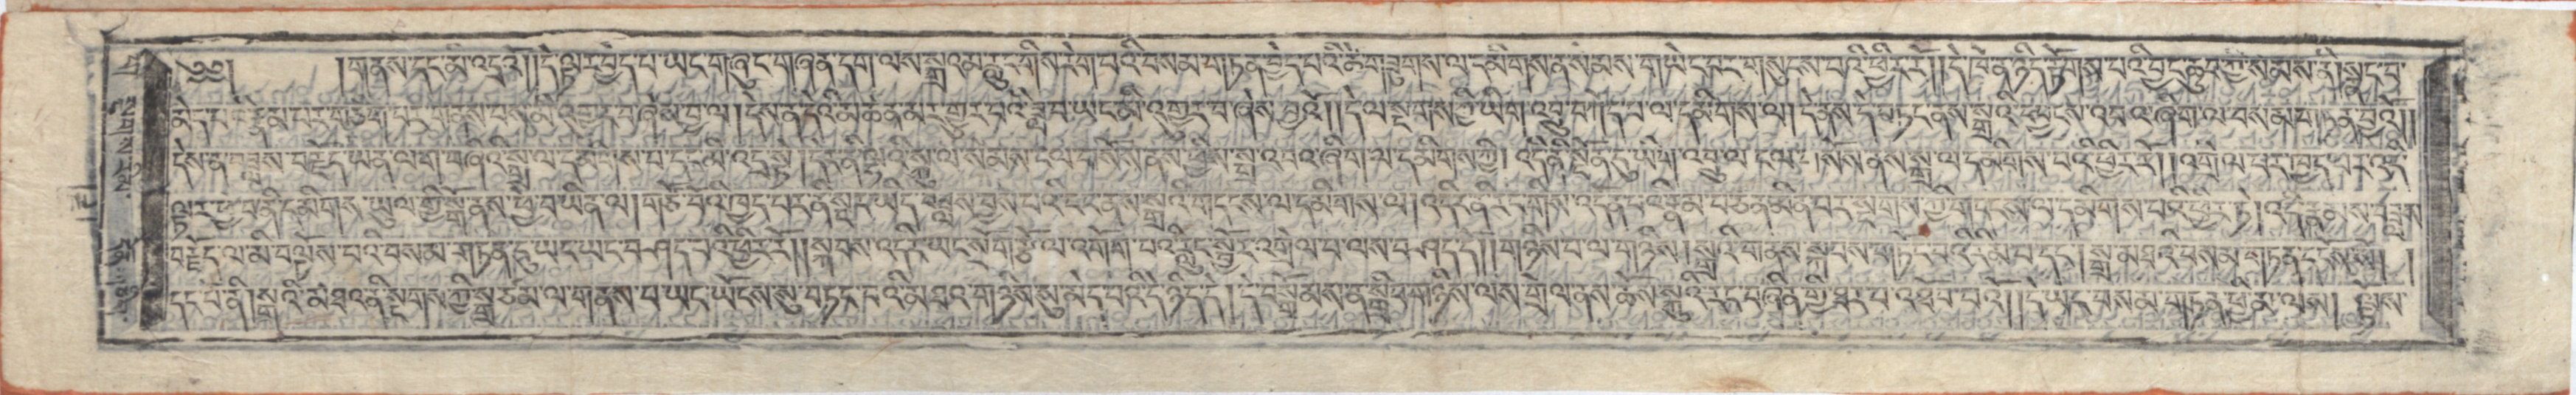༄༅། །གནས་དང་མི་འདྲའོ། །དེ་ལྟར་བྱེད་པ་ཡང་གཞུང་གཞན་དག་ལས་སྒྲའམ་རླུང་གིས་རེག་པའི་བསམ་གཏན་བྱེད་པའི་ཚེ་གཟུགས་ལ་དམིགས་ན་སེམས་གཡེང་བར་གསུངས་པའི་ཕྱིར་རོ། །དེ་ཁོ་ན་ཉིད་རྟོགས་པའི་བྱང་ཆུབ་ཀྱི་སེམས་ནི། སྣང་བ་
མེད་པའི་རྣམ་པར་གཅིག་པར་གནས་པས་མི་འགྱུར་བ་ཞེས་བྱ་ལ། དེས་ན་དེའི་མཚན་མར་གྱུར་པའི་ཟླ་བ་ཡང་མི་འགྱུར་བ་ཞེས་བྱའོ། །དེ་ལ་སྔགས་ཀྱི་ཡིག་འབྲུ་བཀོད་པ་ལ་དམིགས་ལ། དེ་ནས་དེ་བཏང་ནས་སྒྲའི་དབྱངས་འབའ་ཞིག་ལ་བསམ་གཏན་བྱའོ། །
དེས་ན་བཟླས་བརྗོད་ཡན་ལག་བཞིའི་སྒྲ་ལ་དམིགས་པ་དང་མི་འདྲ་སྟེ། དེར་ནི་ལྷའི་སྐུ་ལ་སེམས་ངལ་བསོས་ནས་ཕྱིས་སྒྲ་འབའ་ཞིག་ལ་དམིགས་ཀྱི། འདི་ནི་སྔོན་དུ་ཡིག་འབྲུ་ལ་ངལ་བསོས་ནས་སྒྲ་ལ་དམིགས་པའི་ཕྱིར་རོ། །འགྲེལ་པར་ཁྱད་པར་འདི་
ལྟར་ཕྱེ་བ་ནི་དམིགས་ཡུལ་གྱི་སྒོ་ནས་ཕྱེ་བ་ཡིན་ལ། གཙོ་བོའི་ཁྱད་པར་ནི་སྔར་ཡིད་བཟླས་བྱས་པའི་ངང་ནས་སྒྲའི་གདངས་ལ་དམིགས་ལ། འདིར་ནི་རང་གིས་འདོན་པའི་རྣམ་པ་ཅན་མིན་པར་སྔགས་ཀྱི་གདངས་ལ་དམིགས་པའི་ཕྱིར་ཏེ། འདི་རྣམས་བཟླས་
བརྗོད་ལ་མི་བལྟོས་པའི་བསམ་གཏན་དུ་ཡང་ཡང་བཤད་པའི་ཕྱིར་རོ། །སྐབས་འདིར་ཡང་སྲོག་རྩོ་ལ་འགོག་པའི་རླུང་སྦྱོར་འགྲེལ་པ་ལས་བཤད་དོ། །གཉིས་པ་ལ་གཉིས། སྒྲའི་གནས་སྐབས་གཏོང་བའི་རིམ་པ་དང་། སྒྲ་མཐའི་བསམ་གཏན་དངོས་སོ། །
དང་པོ་ནི། སྒྲའི་མཐའ་ནི་སྔགས་ཀྱི་སྒྲ་ཙམ་ལ་གནས་པ་ཡང་ཡོངས་སུ་བཏང་བའི་མཐའ་གཉིས་སུ་མེད་པའི་དེ་ཉིད་དེ། དེ་བསྒོམས་ན་སྒྲིབ་གཉིས་ལས་གྲོལ་ནས་ཆོས་སྐུའི་རང་བཞིན་གྱི་ཐར་པ་འཐོབ་པའོ། །དེ་ཡང་བསམ་གཏན་ཕྱི་མ་ལས། ལྟོས་